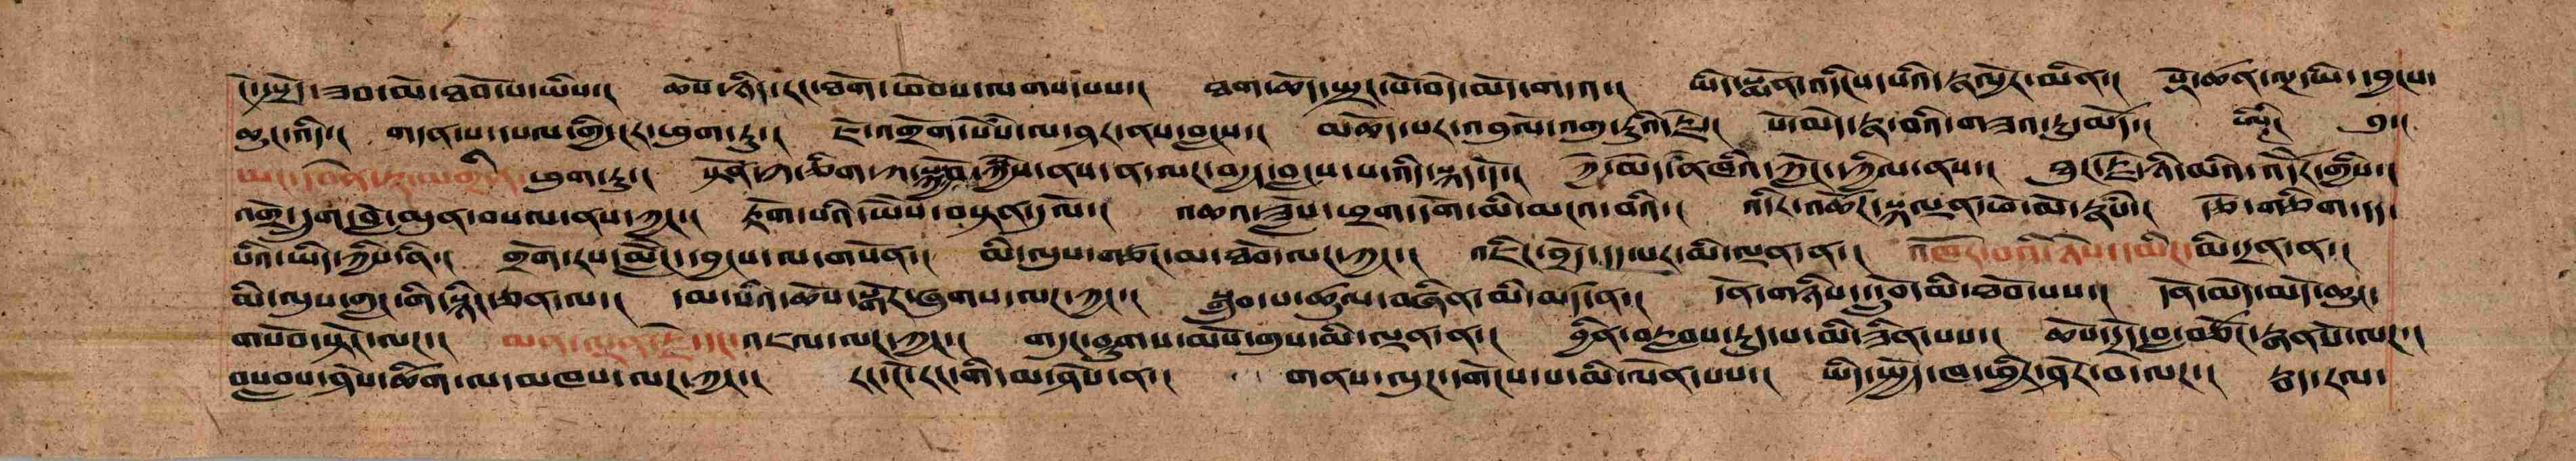ངོ་སྤྲོད་ཟབ་མོ་ཐོབ་པ་ཡིས།། ཆོས་ཉིད་རང་ཐོག་ཕེབས་ལགས་པས།། ཐག་ཆོད་སྤྲང་པོ་བདེ་མོར་གདའ།། ཡིད་སྨོན་འདིངས་པའི་རྣལ་འབྱོར་མིན།། སྡེ་ཚན་ལྔ་ཡི་དབྱངས་
ཆུང་འདི།། གདན་ས་དཔལ་གྱི་ངར་ཕུག་ཏུ།། ཇོ་འགྲོག་སེམས་ལ་ཤར་ནས་བླངས།། མཆོད་པར་འབུལ་ལོ་འགུ་རུའི་རྗེ།། སོ་མེད་རྣ་བ་འི་གཟའ་རྒྱུ་མཛོད།། ཨིཊི། ༄་། 
ཡང་དབེན་རྟ་མགྲིན་ཕུག་ཏུ།། སྟོན་ཀ་ཅིག་ཀ་སྐྱོ་བ་སྐྱེས་ནས་ན་ལགས་བརྒྱད་བླངས་པ་འདི་སྐད་དོ།། སྐྱེ་མེད་ནམ་མཁའི་ཀློང་དཀྱིལ་ནས།། ཐུགས་རྗེ་ཉི་མའི་འོད་ཟེར་གྱིས།། 
འགྲོ་དྲུག་བློ་མུན་བསལ་ནས་ཀྱང་།། རྟོག་པའི་ཡེ་ཤེས་བསྟན་དུ་གསོལ།། འཆའ་ཟློས་ཕྲག་དོག་མི་མངའ་བའི།། འདིར་འཚོགས་སྐལ་ལྡན་ཕོ་མོ་རྣམས།། རྩེ་གཅིག་དད་
པའི་ཡིད་ཀྱིས་ནི།། གྲོག་རས་མེ་ལོང་དབྱངས་ལ་གསོན།། མི་ལུས་གཙང་མ་ཐོབ་ལགས་ཀྱང་།། འཇིགས་བྱེད་དད་པར་མི་ལྡན་ན།། འཁོར་བའི་ཉེས་དམིགས་མི་དྲན་ན།། 
མི་ལུས་གླང་གི་སྙིང་ཅན་ལ།། དམ་པའི་ཆོས་སྒོར་ཞུགས་ལགས་ཀྱང་།། སྒྲུབ་པ་ཚུལ་བཞིན་མི་མཛད་ན།། དོན་གཉིས་དངོས་གྲུབ་མི་ཐོབ་པས།། དོན་མེད་མདོ་ཆུང་
གསོབ་སྟོང་ལགས།། མཚན་ལྡན་རྗེ་དང་མཇལ་ལགས་ཀྱང་།། གདུང་ཤུགས་མོས་གུས་མི་ལྡན་ན།། བྱིན་རླབས་བརྒྱུད་པ་མི་ཟིན་པས།། ཆོས་དྲེད་བླ་བཙོང་རྒན་པོ་ལགས།། 
བསླབས་ཤེས་ཚིག་ལ་མཁས་ལགས་ཀྱང་།། རང་ངོ་རང་གིས་མ་ཤེས་ན།། གནས་ལུགས་དགོངས་པ་མི་ལོན་པས།། ཡིད་གཅོད་ཁ་ཕྱིར་ཤོར་བ་ལགས།། རྦད་རལ་